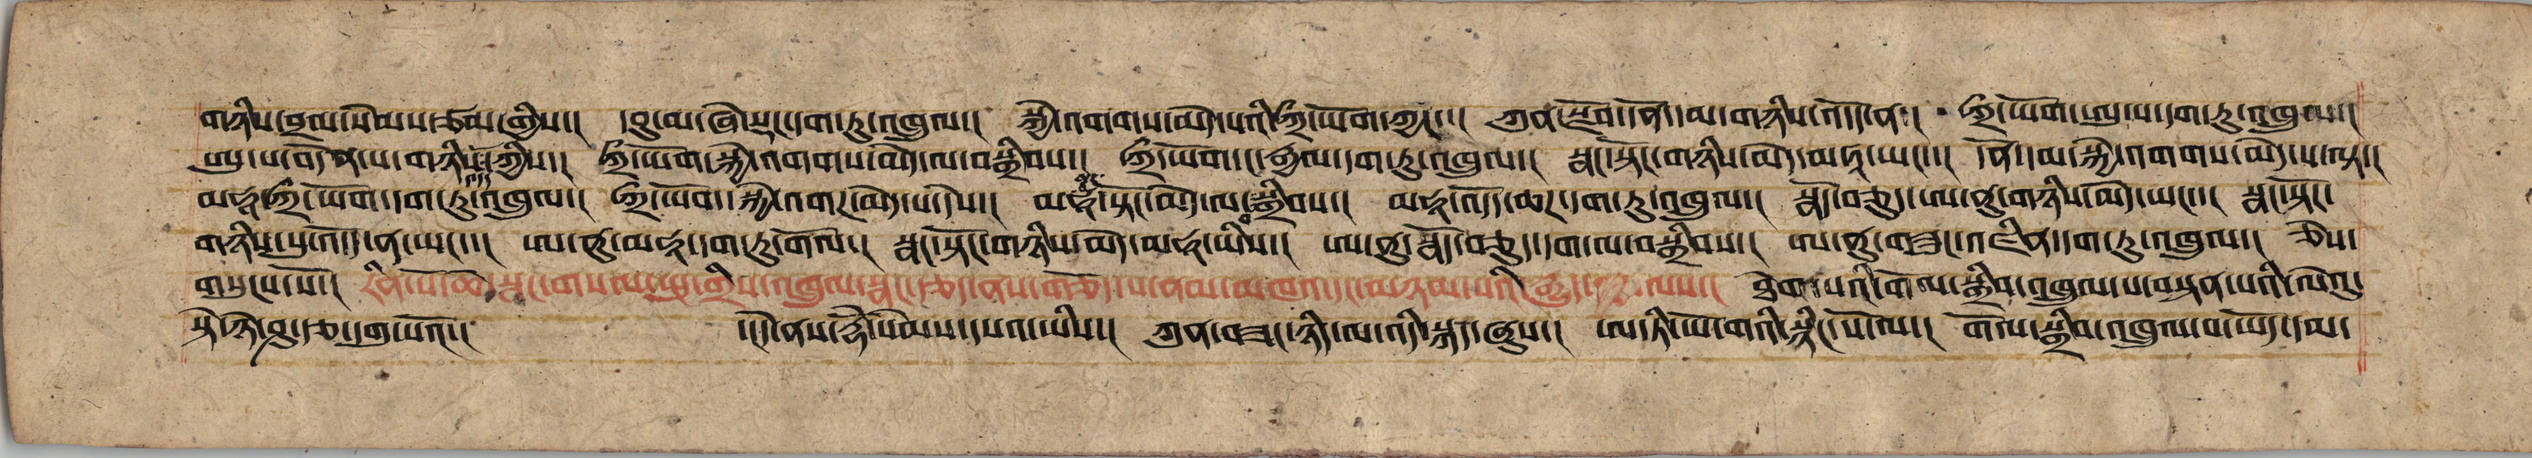གཉིས་བྲལ་སེམས་ཙམ་གྱིས་། དབུ་མ་ཞེ་སྡང་དག་ཏུ་འཁྲུལ་། སྐྱེ་འགགས་མེད་པའི་ཀྲྀ་ཡོག་ཀྱང་་། ཀུན་སྫོབ་དོན་དམ་གཉིས་འདོད་ན་། ཀྲི་ཡོག་ཨུ་པ་དག་ཏུ་འཁྲུལ་།
ཨུ་པ་བདེན་པ་གཉིས་འདོད་ཀྱིས་། ཀྲྀ་ཡོག་སྐྱེ་འགགས་མེད་ལ་བསྒྲིབས་། ཀྲྀ་ཡོག་ང་རྒྱལ་དག་ཏུ་འཁྲུལ་། སྣང་སྟོང་གཉིས་མེད་མཧཱ་ཡང་། དོན་དམ་སྐྱེ་འགགས་མེད་པ་ལྟ་།
མཧཱ་ཀྲྀ་ཡོག་དག་ཏུ་འཁྲུལ་། ཀྲྀ་ཡོག་སྐྱེ་འགཌ་མེད་པ་དེས་། མཧཱ་ནང་སྟོང་མེད་ལ་བསྒྲིབས་། མཧཱ་འདོད་ཆཌ་དག་ཏུ་འཁྲུལ་། སྣོད་བཅུད་ཨ་ནུ་གཉིས་མེད་ཡང་་། སྣང་སྟོང་
གཉིས་སུ་འདོད་ན་ཡང་་། ཨ་ནུ་མཧཱ་དག་ཏུ་གོལ་། སྣང་སྟོང་གཉིས་མེད་མཧཱ་ཡིས་། ཨ་ནུ་སྣོད་བཅུད་དག་ལ་བསྒྲིབས་། ཨ་ནུ་གཟུང་འཛིན་དག་ཏུ་འཁྲུལ་། ཅེས་
གསུངས་སོ་། རིན་པོ་ཆེ་སྣང་གསལ་སྤུ་གྲིས་འཁྲུལ་སྣང་རྩད་ནས་གཅོད་པ་ནམ་མཁའ་དང་མཉམ་པའི་རྒྱུད་ ལས་། ཐེག་པའི་གོལ་སྒྲིབ་འཁྲུལ་པ་བསྟན་པའི་ལེའུ་
སྟེ་ཉེ་ཤུ་རྩ་དགུ་པའོ་། ་།དེ་ནས་རྡོེ་སེམས་དཔའ་ཡིས་། ཀུན་བཟང་ཉིད་ལ་འདི་སྐད་ཞུས་། ཨ་ཏི་ཡོ་གའི་སྙིང་པོ་ལ་། གོལ་སྒྲིབ་འཁྲུལ་པ་ཡོད་དམ་